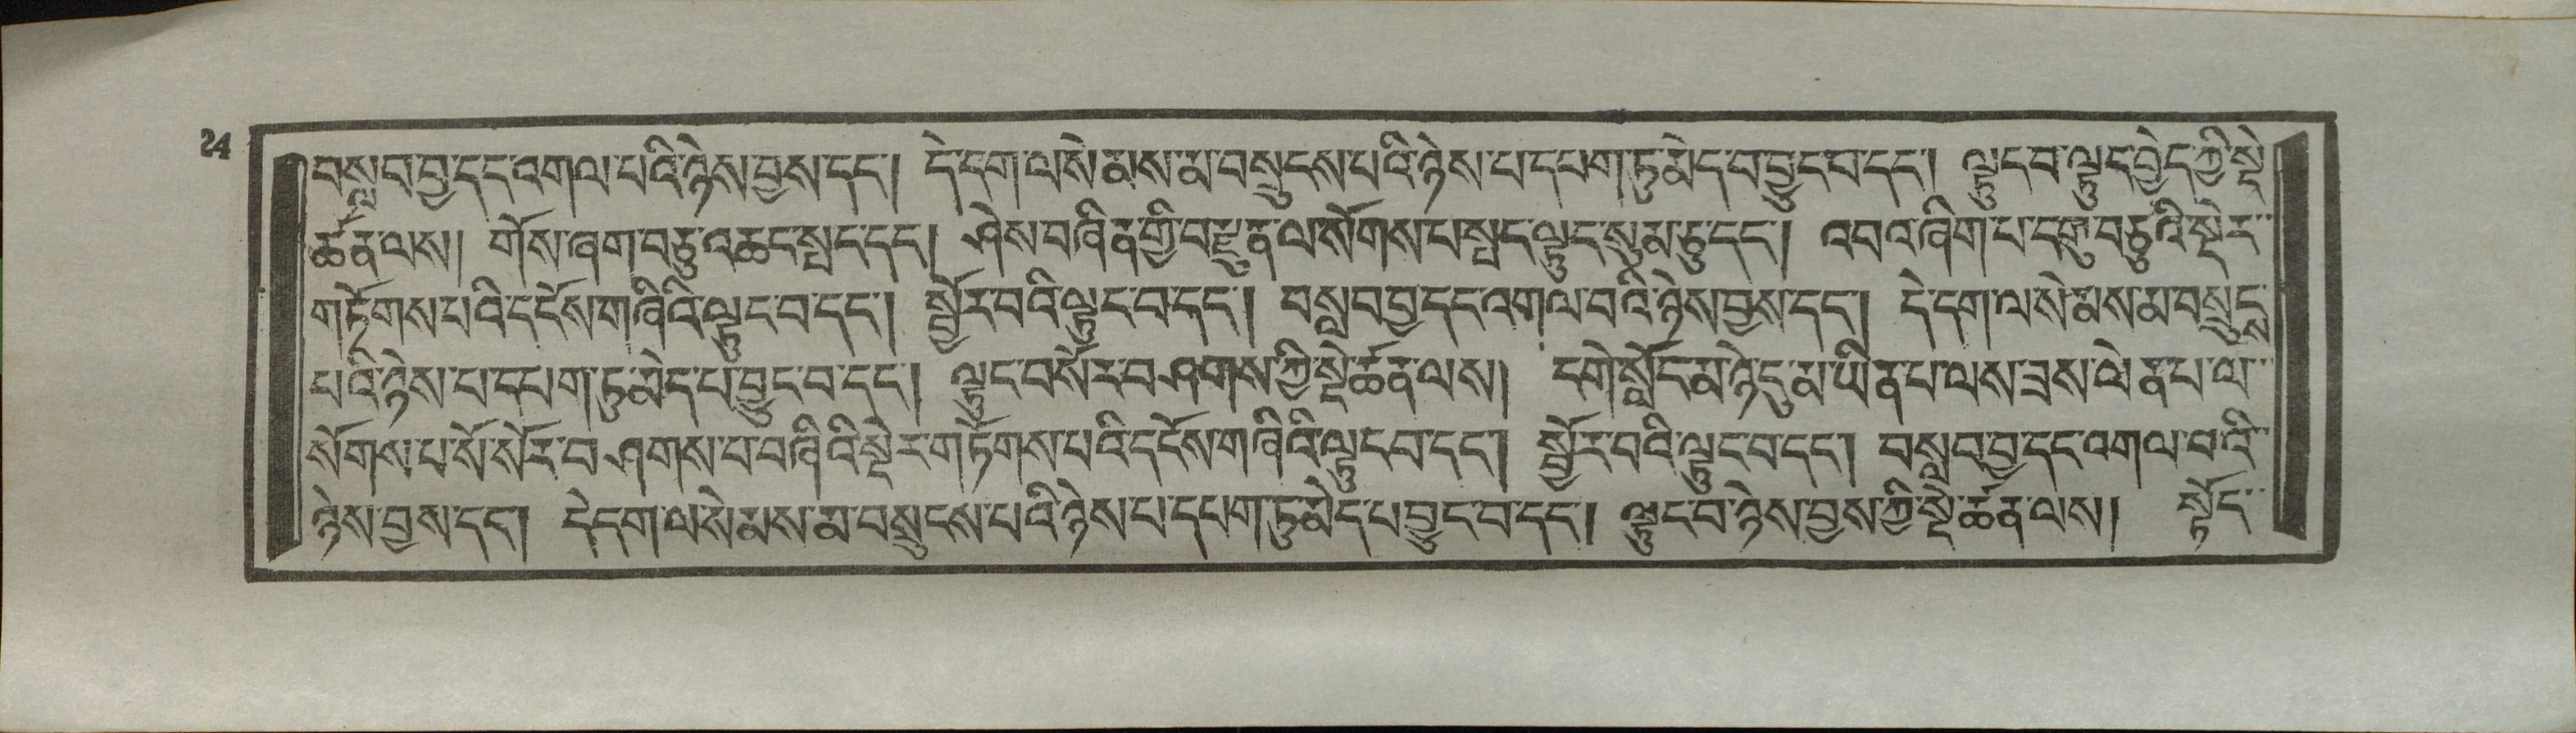བསླབ་བྱ་དང་འགལ་པའི་ཉེས་བྱས་དང་། དེ་དག་ལ་སེམས་མ་བསྲུངས་པའི་ཉེས་པ་དཔག་ཏུ་མེད་པ་བྱུང་བ་དང་། ལྟུང་བ་ལྟུང་བྱེད་ཀྱི་སྡེ་
ཚན་ལས། གོས་ཞག་བཅུ་འཆང་སྤང་དང་། ཤེས་བཞིན་གྱི་བརྫུན་ལ་སོགས་པ་སྤང་ལྟུང་སུམ་ཅུ་དང་། འབའ་ཞིག་པ་དགུ་བཅུའི་སྡེར་
གཏོགས་པའི་དངོས་གཞིའི་ལྟུང་བ་དང་། སྦྱོར་བའི་ལྟུང་བ་དང་། བསླབ་བྱ་དང་འགལ་བའི་ཉེས་བྱས་དང་། དེ་དག་ལ་སེམས་མ་བསྲུངས་
པའི་ཉེས་པ་དཔག་ཏུ་མེད་པ་བྱུང་བ་དང་། ལྟུང་བསོར་བཤགས་ཀྱི་སྡེ་ཚན་ལས། དགེ་སློང་མ་ཉེ་དུ་མ་ཡིན་པ་ལས་ཟས་ལེན་པ་ལ་
སོགས་པ་སོ་སོར་བཤགས་པ་བཞིའི་སྡེར་གཏོགས་པའི་དངོས་གཞིའི་ལྟུང་བ་དང་། སྦྱོར་བའི་ལྟུང་བ་དང་། བསླབ་བྱ་དང་འགལ་བའི་
ཉེས་བྱས་དང་། དེ་དག་ལ་སེམས་མ་བསྲུངས་པའི་ཉེས་པ་དཔག་ཏུ་མེད་པ་བྱུང་བ་དང་། ལྟུང་བ་ཉེས་བྱས་ཀྱི་སྡེ་ཚན་ལས། སྟོད་